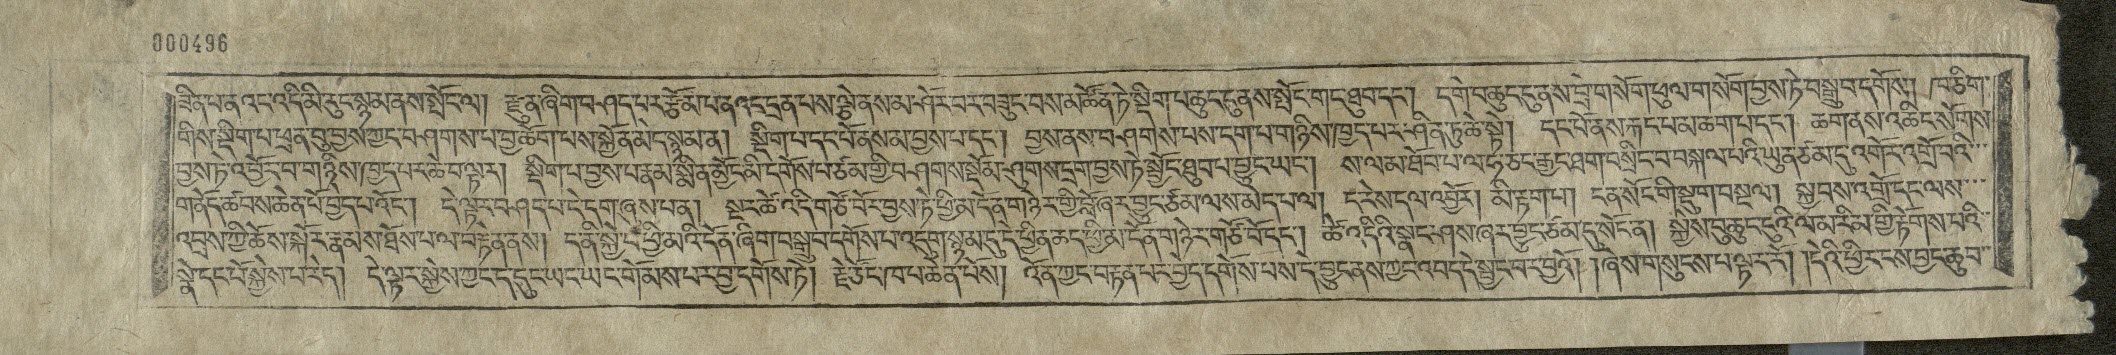ཟིན་པ་ནའང་འདི་མི་རུང་སྙམ་ནས་སྤོང་ལ། རྫུན་ཞིག་བཤད་པར་རྩོམ་པ་ནའང་དྲན་པས་ལྕེ་ནས་མ་ཤོར་བར་བཟུང་བས་མཚོན་ཏེ་སྡིག་པ་ཆུང་ངུ་ནས་སྤོང་གང་ཐུབ་དང་། དགེ་བ་ཆུང་ངུ་ནས་བྲེ་གསོག་ཕུལ་གསོག་བྱས་ཏེ་བསྒྲུབ་དགོས། ཁ་ཅིག་
གིས་སྡིག་པ་ཕྲན་བུ་བྱས་ཀྱང་བཤགས་པ་བྱ་ཆོག་པས་སྐྱོན་མེད་སྙམ་ན། སྡིག་པ་དང་པོ་ནས་མ་བྱས་པ་དང་། བྱས་ནས་བཤགས་པས་དག་པ་གཉིས་ཁྱད་པར་ཤིན་ཏུ་ཆེ་སྟེ། དང་པོ་ནས་རྐང་པ་མ་ཆག་པ་དང་། ཆག་ནས་འཆིང་སོགས་
བྱས་ཏེ་འབྱོར་བ་གཉིས་ཁྱད་པར་ཆེ་བ་ལྟར། སྡིག་པ་བྱས་པ་རྣམ་སྨིན་མྱོང་མི་དགོས་པ་ཙམ་གྱི་བཤགས་སྡོམ་ཤུགས་དྲག་བྱས་ཏེ་སྦྱོང་ཐུབ་པ་བྱུང་ཡང་། ས་ལམ་ཐོབ་པ་ལ་ཧ་ཅང་རྒྱང་ཐག་བསྲིང་བ་བསྐལ་པའི་ཡུན་ཙམ་དུ་འགོར་འགྲོ་བའི་
གནོད་ཚབས་ཆེན་པོ་བྱེད་པ་འོང་། དེ་ལྟར་བཤད་པ་དེ་དག་ཞུས་པ་ན། སྔར་ཚེ་འདི་གཙོ་བོར་བྱས་ཏེ་ཕྱི་མ་དོན་གཉེར་གྱི་བློ་ཞར་བྱུང་ཙམ་ལས་མེད་པ་ལ། ད་རེས་དལ་འབྱོར། མི་རྟག་པ། ངན་སོང་གི་སྡུག་བསྔལ། སྐྱབས་འགྲོ་དང་ལས་
འབྲས་ཀྱི་ཆོས་སྐོར་རྣམས་ཐོས་པ་ལ་བརྟེན་ནས། ད་ནི་སྐྱེ་བ་ཕྱི་མའི་དོན་ཞིག་བསྒྲུབ་དགོས་པ་འདུག་སྙམ་དུ་དེ་ཕྱིན་ཆད་ཕྱི་མ་དོན་གཉེར་གཙོ་བོ་དང་། ཚེ་འདིའི་སྣང་ཤས་ཞར་བྱུང་ཙམ་དུ་སོང་ན། སྐྱེས་བུ་ཆུང་ངུའི་ལམ་རིམ་གྱི་རྟོགས་པའི་
སྣེ་དང་པོ་སྐྱེས་པ་རེད། དེ་ལྟར་སྐྱེས་ཀྱང་ད་དུང་ཡང་ཡང་གོམས་པར་བྱ་དགོས་ཏེ། རྗེ་ཙོང་ཁ་པ་ཆེན་པོས། འོན་ཀྱང་བརྟན་པར་བྱེད་དགོས་པས་དེ་བྱུང་ནས་ཀྱང་འབད་དེ་སྦྱང་བར་བྱའོ། །ཞེས་གསུངས་པ་ལྟར་རོ། །དེའི་ཕྱིར་ངས་བྱང་ཆུབ་